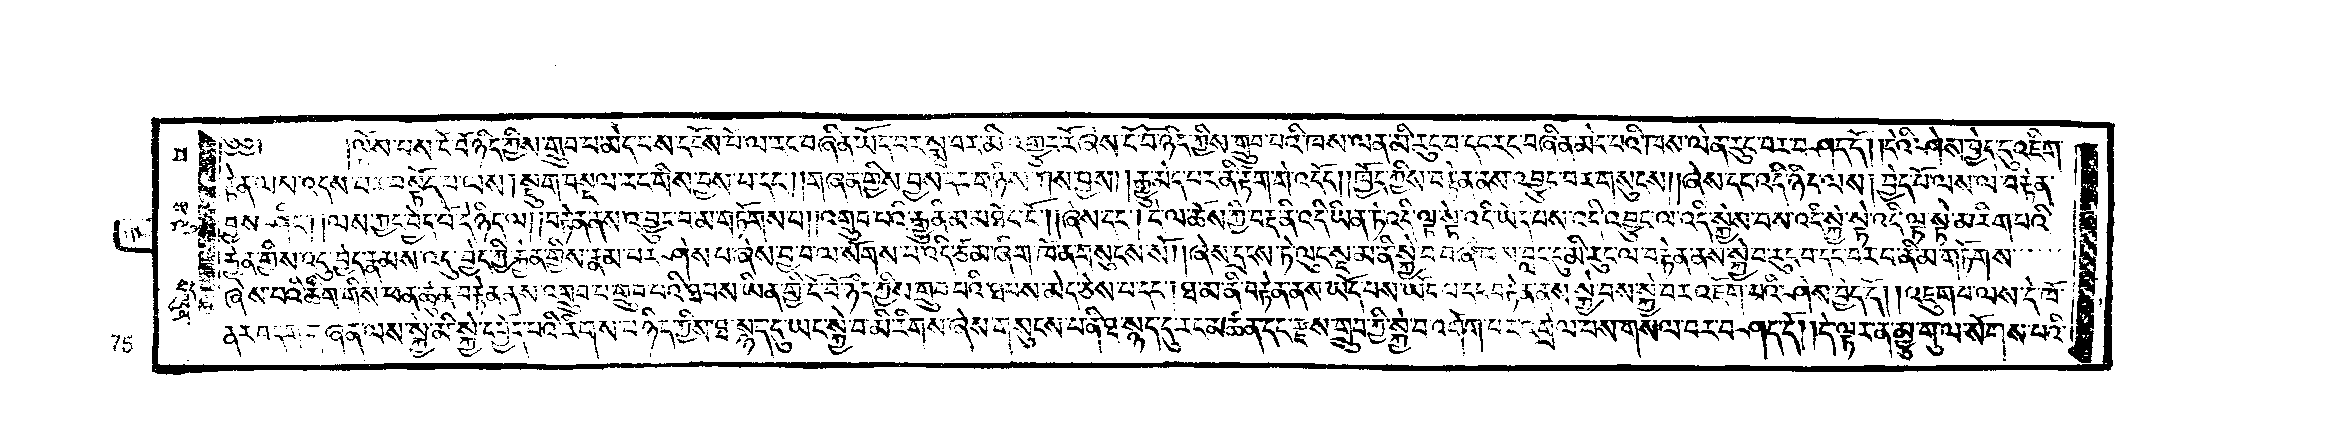༄༅། །ལྟོས་པས་ངོ་བོ་ཉིད་ཀྱིས་གྲུབ་པ་མེད་པས་དངོས་པོ་ལ་རང་བཞིན་ཡོད་པར་སྨྲ་བར་མི་འགྱུར་རོ་ཞེས་ངོ་བོ་ཉིད་ཀྱིས་གྲུབ་པའི་ཁས་ལན་མི་རུང་བ་དང་རང་བཞིན་མེད་པའི་ཁས་ལེན་རུང་བར་བཤད་དོ། །དེའི་ཤེས་བྱེད་དུ་འཇིག་
རྟེན་ལས་འདས་པར་བསྟོད་པ་ལས། སྡུག་བསྔལ་རང་གིས་བྱས་པ་དང་། །གཞན་གྱིས་བྱས་དང་གཉིས་ཀས་བྱས། །རྒྱུ་མེད་པར་ནི་རྟོག་གེ་འདོད། །ཁྱོད་ཀྱིས་བརྟེན་ནས་འབྱུང་བར་གསུངས། །ཞེས་དང་འདི་ཉིད་ལས། བྱེད་པོ་ལས་ལ་བརྟེན་
བྱས་ཤིང་། །ལས་ཀྱང་བྱེད་པོ་དེ་ཉིད་ལ། །བརྟེན་ནས་འབྱུང་བ་མ་གཏོགས་པ། །འགྲུབ་པའི་རྒྱུ་ནི་མ་མཐོང་ངོ། །ཞེས་དང་། དེ་ལ་ཆོས་ཀྱི་བརྡ་ནི་འདི་ཡིན་ཏེ་འདི་ལྟ་སྟེ་འདི་ཡོད་པས་འདི་འབྱུང་ལ་འདི་སྐྱེས་པས་འདི་སྐྱེ་སྡེ་འདི་ལྟ་སྟེ་མ་རིག་པའི་
རྐྱེན་གྱིས་འདུ་བྱེད་རྣམས་འདུ་བྱེད་ཀྱི་རྐྱེན་གྱིས་རྣམ་པར་ཤེས་པ་ཞེས་བྱ་བ་ལ་སོགས་པ་འདི་ཙམ་ཞིག་ཁོ་ན་གསུངས་སོ། །ཞེས་དྲངས་ཏེ་ལུང་སྔ་མ་ནི་སྐྱེ་བ་བཞི་ཁས་བླང་དུ་མི་རུང་ལ་བརྟེན་ནས་སྐྱེ་བ་རུང་བ་དང་བར་བ་ནི་མ་གཏོག་
ཞེས་པའི་ཚིག་གིས་ཕན་ཚུན་བརྟེན་ནས་འགྲུབ་པ་གྲུབ་པའི་ཐབས་ཡིན་གྱི་ངོ་བོ་ཉིད་ཀྱིས་གྲུབ་པའི་ཐབས་མེད་ཅེས་པ་དང་། ཐ་མ་ནི་བརྟེན་ནས་ཡོད་པས་ཡོང་པ་དང་བརྟེན་ནས་སྐྱེ་བས་སྐྱེ་བར་འཇོག་པའི་ཤེས་བྱེད་དོ། །འཇུག་པ་ལས་དེ་ཁོ་
ནར་བདག་གཞན་ལས་སྐྱེ་མི་སྐྱེ་དཔྱོད་པའི་རིགས་པ་ཉིད་ཀྱིས་ཐ་སྙད་དུ་ཡང་སྐྱེ་བ་མི་རིགས་ཞེས་གསུངས་པ་ནི་ཐ་སྙད་དུ་རང་མཚན་དང་རྫས་གྲུབ་ཀྱི་སྐྱེ་བ་འགོག་པར་འགྲེལ་བས་གསལ་བར་བཤད་དོ། །དེ་ལྟར་ན་མྱུ་གུ་ལ་སོགས་པའི་